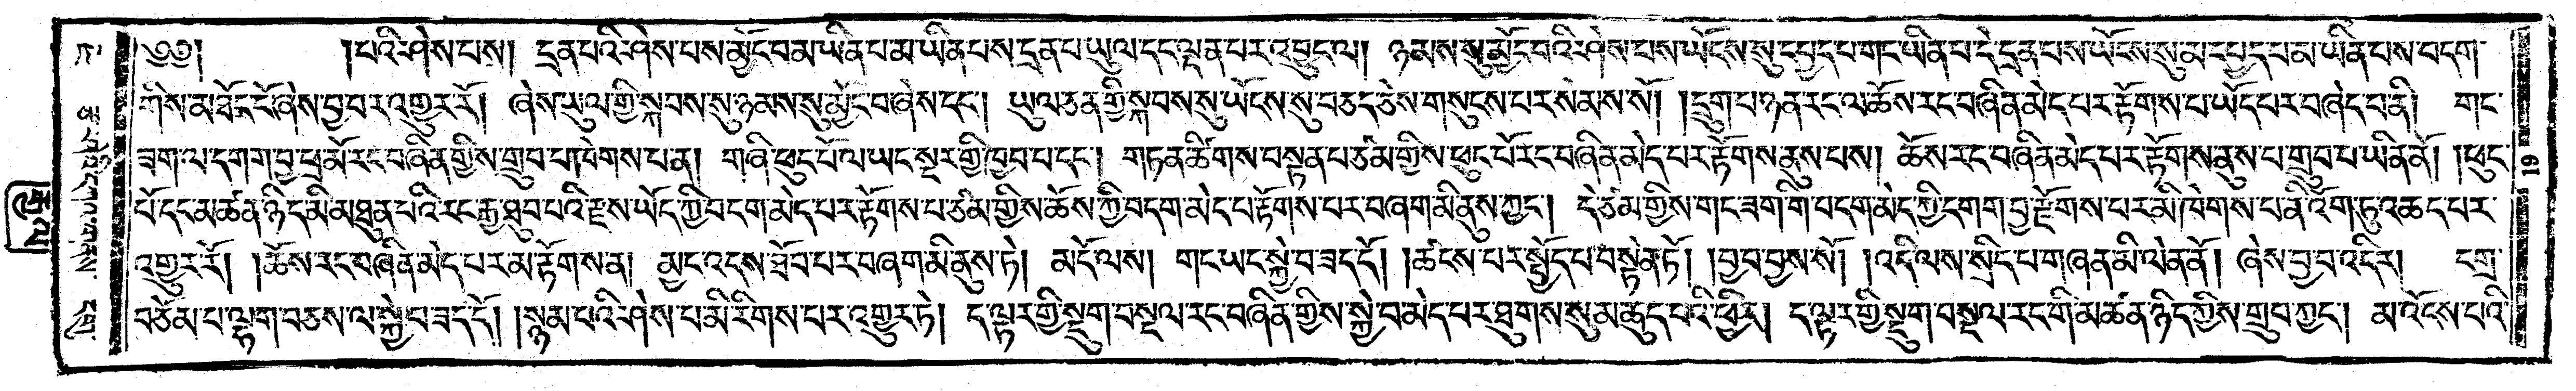༄༅། །པའི་ཤེས་པས། དྲན་པའི་ཤེས་པས་མྱོང་བ་མ་ཡིན་པ་མ་ཡིན་པས་དྲན་པ་ཡུལ་དང་ལྡན་པར་འབྱུང་ལ། ཉམས་སུ་མྱོང་བའི་ཤེས་པས་ཡོངས་སུ་དཔྱད་པ་གང་ཡིན་པ་དེ་དྲན་པས་ཡོངས་སུ་མ་དཔྱད་པ་མ་ཡིན་པས་བདག་
གིས་མཐོང་ངོ་ཞེས་བྱ་བར་འགྱུར་རོ། ཞེས་ཡུལ་གྱི་སྐབས་སུ་ཉམས་སུ་མྱོང་བ་ཞེས་དང་། ཡུལ་ཅན་གྱི་སྐབས་སུ་ཡོངས་སུ་བཅད་ཅེས་གསུངས་པར་སེམས་སོ། །དྲུག་པ་ཉན་རང་ལ་ཆོས་རང་བཞིན་མེད་པར་རྟོགས་པ་ཡོད་པར་བཞེད་པ་ནི། གང་
ཟག་ལ་དགག་བྱ་ཕྲ་མོ་རང་བཞིན་གྱིས་གྲུབ་པ་ཁེགས་པ་ན། གཞི་ཕུང་པོ་ལ་ཡང་སྔར་གྱི་ཁྱབ་པ་དང་། གཏན་ཚིགས་བསྟན་པ་ཙམ་གྱིས་ཕུང་པོ་རང་བཞིན་མེད་པར་རྟོགས་ནུས་པས། ཆོས་རང་བཞིན་མེད་པར་རྟོགས་ནུས་པ་གྲུབ་པ་ཡིན་ནོ། །ཕུང་
པོ་དང་མཚན་ཉིད་མི་མཐུན་པའི་རང་རྒྱ་ཐུབ་པའི་རྫས་ཡོད་ཀྱི་བདག་མེད་པར་རྟོགས་པ་ཙམ་གྱིས་ཆོས་ཀྱི་བདག་མེད་པ་རྟོགས་པར་བཞག་མི་ནུས་ཀྱང་། དེ་ཙམ་གྱིས་གང་ཟག་གི་བདག་མེད་ཀྱི་དགག་བྱ་རྫོགས་པར་མི་ཁེགས་པ་ནི་འོག་ཏུ་འཆད་པར་
འགྱུར་རོ། །ཆོས་རང་བཞིན་མེད་པར་མ་རྟོགས་ན། མྱང་འདས་ཐོབ་པར་བཞག་མི་ནུས་ཏེ། མདོ་ལས། གང་ཡང་སྐྱེ་བ་ཟད་དོ། །ཚངས་པར་སྤྱོད་པ་བསྟེན་ཏོ། །བྱ་བ་བྱས་སོ། །འདི་ལས་སྲིད་པ་གཞན་མི་ལེན་ནོ། ཞེས་བྱ་བ་འདིར། དགྲ་
བཅོམ་པ་ལྷག་བཅས་ལ་སྐྱེ་བཟད་དོ། །སྙམ་པའི་ཤེས་པ་མི་རིགས་པར་འགྱུར་ཏེ། ད་ལྟར་གྱི་སྡུག་བསྔལ་རང་བཞིན་གྱིས་སྐྱེ་བ་མེད་པར་ཐུགས་སུ་མ་ཆུད་པའི་ཕྱིར། ད་ལྟར་གྱི་སྡུག་བསྔལ་རང་གི་མཚན་ཉིད་ཀྱིས་གྲུབ་ཀྱང་། མ་འོངས་པའི་